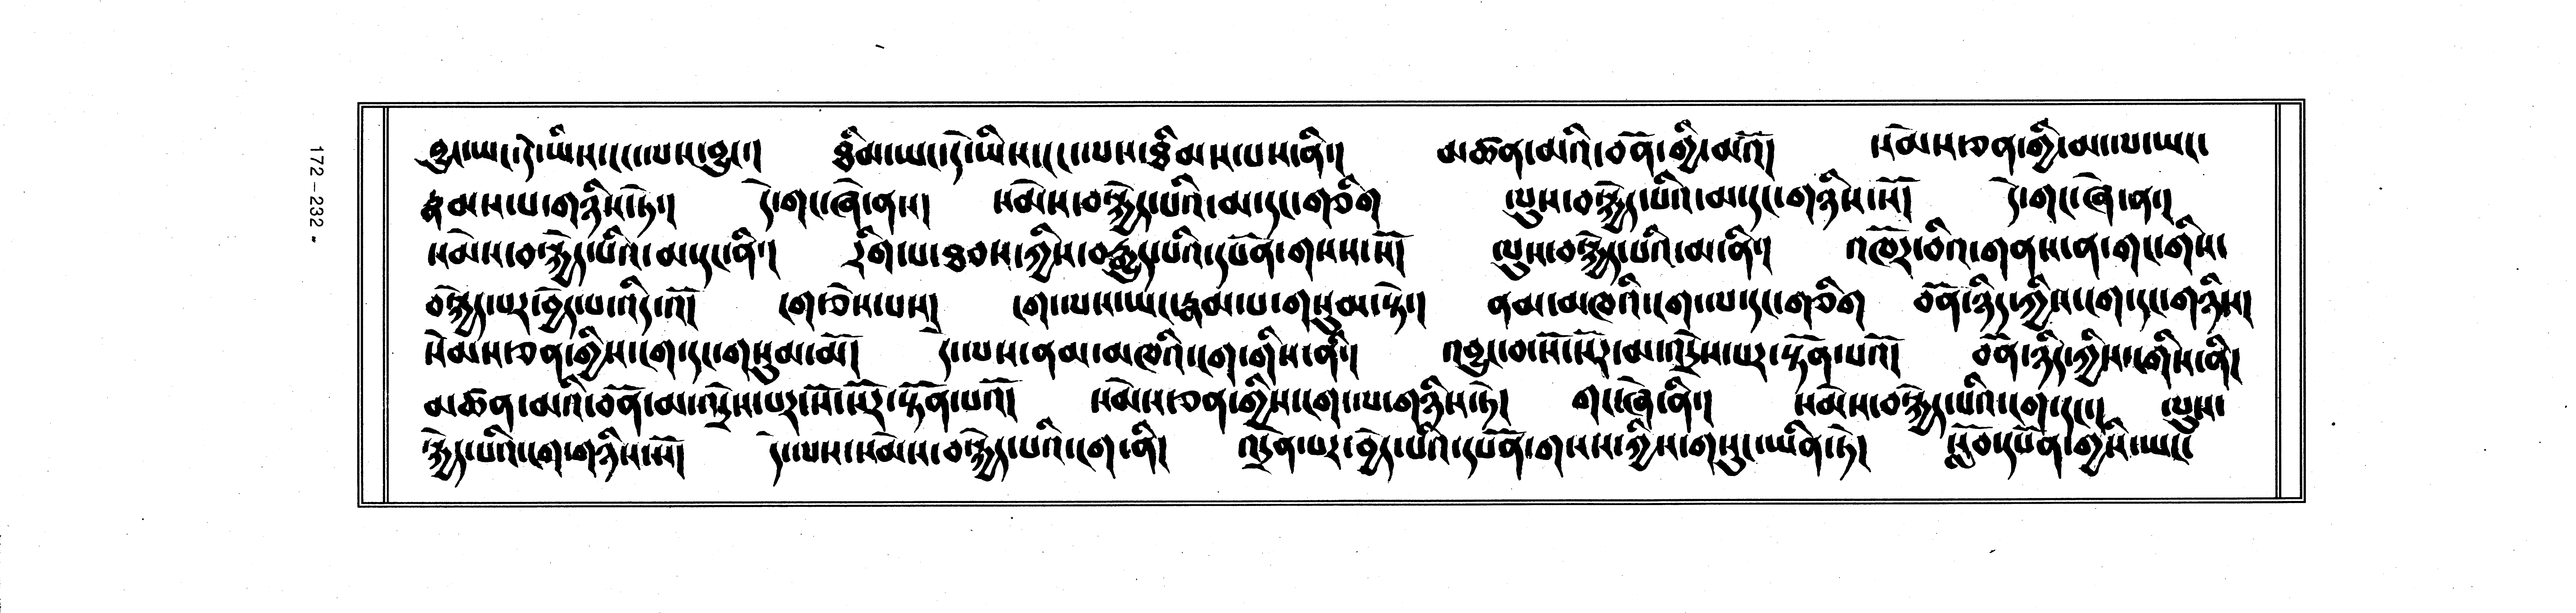དེ་ཡིས་ངང་ལས་བྱུང་། ཐིམ་ཡང་དེ་ཡིས་ངང་ལས་ཐིམས་པས་ནི། མཚན་མའི་བོན་གྱི་མའོ། སེམས་ཅན་གྱི་མ་ལ་ཡང་
རྣམ་པ་གཉིས་ཏེ། དེ་གང་ཞེ་ནས། སེམས་བསྐྱེད་པའི་མ་དང་གཅིག ལུས་བསྐྱེད་པའི་མ་དང་གཉིས་སོ། དེ་གང་ཞེ་ན། 
སེམས་བསྐྱེད་པའི་མ་དང་ནི། རིག་པ་ཐབས་ཀྱིས་བརྒྱུད་པའི་དཔོན་གསས་སོ། ལུས་བསྐྱེད་པའི་མ་ནི། འཁོར་བའི་གནས་ན་གང་གིས་
བསྐྱེད་པར་བྱེད་པ་འདི་འོ། ངག་ཅེས་པས། ངག་ལས་ཡང་རྣམ་པ་གསུམ་སྟེ། ནམ་མཁའི་ངག་ལ་དང་གཅིག བོན་ཉིད་ཀྱིས་ངག་དང་གཉིས། 
སེམས་ཅན་གྱིས་ངག་དང་གསུམ་མོ། དེ་ལས་ནམ་མཁའི་ངག་གིས་ནི། འབྱུང་བ་སོ་སོར་མ་འདྲེས་པར་སྟོན་པའོ། བོན་ཉིད་ཀྱིས་ངག་གིས་ནི། 
མཚན་མའི་བོན་མ་འདྲེས་པར་སོ་སོར་སྟོན་པའོ། སེམས་ཅན་གྱིས་ངག་ལ་གཉིས་ཏེ། གང་ཞེ་ནི། སེམས་བསྐྱེད་པའི་ངག་དང་། ལུས་
སྐྱེད་པའི་ངག་གཉིས་སོ། དེ་ལས་སེམས་བསྐྱེད་པའི་ངག་ནི། འདྲེན་པར་བྱེད་པའི་དཔོན་གསས་ཀྱིས་གསུང་ཡིན་ཏེ། སློབ་དཔོན་གྱིས་ཡང་